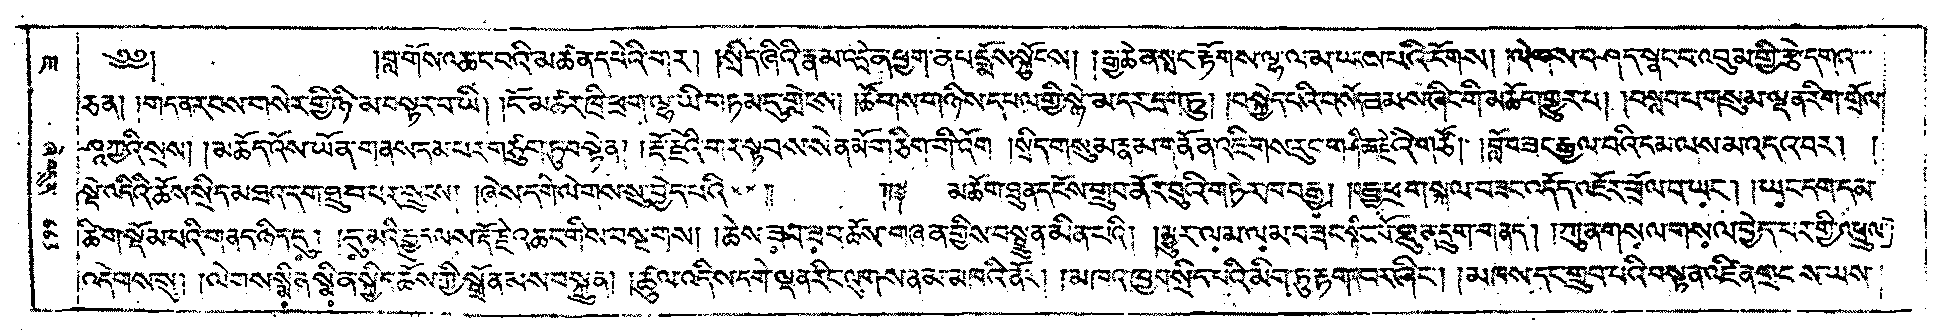༄༅། །བླ་གོས་འཆང་བའི་མཚན་དཔེའི་གར། །སྲིད་ཞིའི་རྣམ་འདྲེན་ཕྱག་ན་པདམོས་སྐྱོངས། །རྒྱ་ཆེན་སྤང་རྟོགས་ལྷ་ལམ་ཡངས་པའི་ངོགས། །ལེགས་བཤད་སྣང་བ་འབུམ་གྱི་རྩེ་དགའ་
ཅན། །གདན་རབས་གསེར་གྱི་ཉི་མ་བསྟར་བ་ཡི། །ངོ་མཚར་ཁྲི་ཕྲག་ལྷ་ཡི་གཏམ་དུ་གླེངས། །ཚོགས་གཉིས་དཔལ་གྱི་སྙེ་མ་དར་དྲག་ཏུ། །བསྐྱེད་པའི་བསོད་ནམས་ཞིང་གི་མཆོག་གྱུར་པ། །བསླབ་པ་གསུམ་ལྡན་རིག་གྲོལ་
ཤཱཀྱའི་སྲས། །མཆོད་འོས་ཡོན་གནས་དམ་པར་གཙུག་ཏུ་བསྟེན། །རྡོ་རྗེའི་གར་སྟབས་སེན་མོ་གཅིག་གི་འོག །སྲིད་གསུམ་རྣམ་གནོན་འཇིགས་རུང་གཤིན་རྗེའི་གཙོ། །བློ་བཟང་རྒྱལ་བའི་དམ་ལས་མ་འདའ་བར། །
སྡེ་འདིའི་ཆོས་སྲིད་མཐའ་དག་ཐུབ་པར་སྲུངས། །ཞེས་དགེ་ལེགས་སུ་བྱེད་པའི་྾་྾།། །། ༈ མཆོག་ཐུན་དངོས་གྲུབ་ནོར་བུའི་གཏེར་ཁ་བརྒྱ྾། །བརྒྱ྾་ཕྲག་སྐལ་བཟང་འདོད་འཇོར་གྲོལ་བ་ཡང྾། །ཡང྾་དག་དམ་
ཚིག་སྡོམ་པའི་གནད་ཉིད་དུ྾། །དུ྾་མའི་རྒྱུད་ལས་རྡོ་རྗེ་འཆང་གིས་བསྔགས། །ཆེས་ཟབ྾་ཟབ྾་ཆོས་གཞན་གྱིས་བསྒྲུན་མིན་པའི། །མྱུར་ལམ྾་ལམ྾་བཟང་སྙིང་པོ་ཐུན་དྲུག་གནད། །ཀུན་གསལ྾་གསལ྾་བྱེད་པར་གྱི་འཕྲུལ་
འདེགས་སུ། །ལེགས་སྨིན྾་སྨིན྾་སྐྱིད་ཆོས་ཀྱི་སྒྲོན་མས་བསྐྲུན། །ཚུལ་འདིས་དགེ་ལྡན་རིང་ལུགས་ནམ་མཁའི་ནོར། །མཁའ་ཁྱབ་སྲིད་པའི་མིག་ཏུ་རྟག་འབར་ཞིང་། །མཁས་དང་གྲུབ་པའི་བསྟན་འཛིན་གྲངས་ཡས་